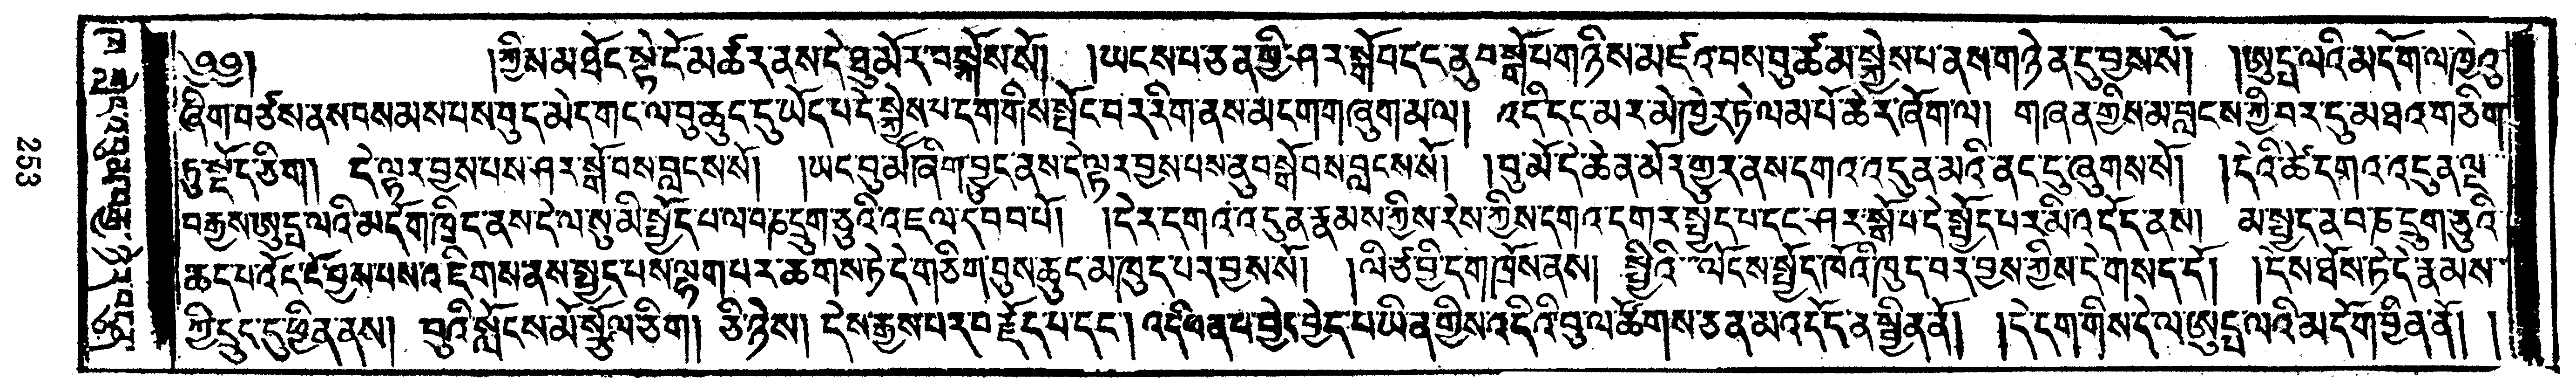༄༅། །ཀྱིས་མཐོང་སྟེ་ངོ་མཚར་ནས་དེ་ཐུ་མོར་བསྐོས་སོ། །ཡངས་པ་ཅན་གྱི་ཤར་སྒོ་བ་དང་ནུབ་སྒོ་བ་གཉིས་མཛའ་བས་བུ་ཚ་མ་སྐྱེས་པ་ནས་གཉེན་དུ་བྱས་སོ། །ཨུདཔ་ལའི་མདོག་ལ་ཁྱེའུ་
ཞིག་བཙས་ནས་བསམས་པས་བུད་མེད་གང་ལ་བུ་ཆུང་དུ་ཡོད་པ་དེ་སྐྱེས་པ་དག་གིས་སྤོང་བར་རིག་ནས་མངག་གཞུག་མ་ལ། འདི་དང་མར་མེ་ཁྱེར་ཏེ་ལམ་པོ་ཆེར་ཞོག་ལ། གཞན་གྱིས་མ་བླངས་ཀྱི་བར་དུ་མཐའ་གཅིག་
ཏུ་སྡོད་ཅིག། དེ་ལྟར་བྱས་པས་ཤར་སྒོ་བས་བླངས་སོ། །ཡང་བུ་མོ་ཞིག་བྱུང་ནས་དེ་ལྟར་བྱས་པས་ནུབ་སྒོ་བས་བླངས་སོ། །བུ་མོ་དེ་ཆེན་མོར་གྱུར་ནས་དགའ་འདུན་མའི་ནང་དུ་ཞུགས་སོ། །དེའི་ཚེ་དགའ་འདུན་ལྔ་
བརྒྱས་ཨུདཔ་ལའི་མདོག་ཁྲིད་ནས་དེ་ལ་སུ་མི་སྤྱོད་པ་ལ་པཎ་དྲུག་ཅུའི་འཇལ་དབབ་བོ། །དེར་དགའ་འདུན་རྣམས་ཀྱིས་རེས་ཀྱིས་དགའ་དགར་སྤྱད་པ་དང་ཤར་སྒོ་བ་དེ་སྤྱོད་པར་མི་འདོད་ནས། མ་སྤྱད་ན་བ་ཎ་དྲུག་ཅུའི་
ཆད་པ་འོང་ངོ་བྱས་པས་འཇིགས་ནས་སྤྱད་པས་ལྷག་པར་ཆགས་ཏེ་དེ་གཅིག་བུས་ཆུང་མ་ཁུད་པར་བྱས་སོ། །ལི་ཙ་བྱི་དག་ཁྲོས་ནས། སྤྱིའི་ལོངས་སྤྱོད་ཁོའི་ཁུད་པར་བྱས་ཀྱིས་དེ་གསད་དོ། །དེས་ཐོས་ཏེ་དེ་རྣམས་
ཀྱི་དྲུང་དུ་ཕྱིན་ནས། བུའི་སློངས་མོ་སྩོལ་ཅིག། ཅི་ཉེས། དེས་རྒྱས་པར་བརྗོད་པ་དང་། འདི་ཕན་པ་བྱེད་བྱེད་པ་ཡིན་གྱིས་འདིའི་བུ་ལ་ཚོགས་ཅན་མ་འདོད་ན་སྦྱིན་ནོ། །དེ་དག་གིས་དེ་ལ་ཨུདཔ་ལའི་མདོག་བྱིན་ནོ།།